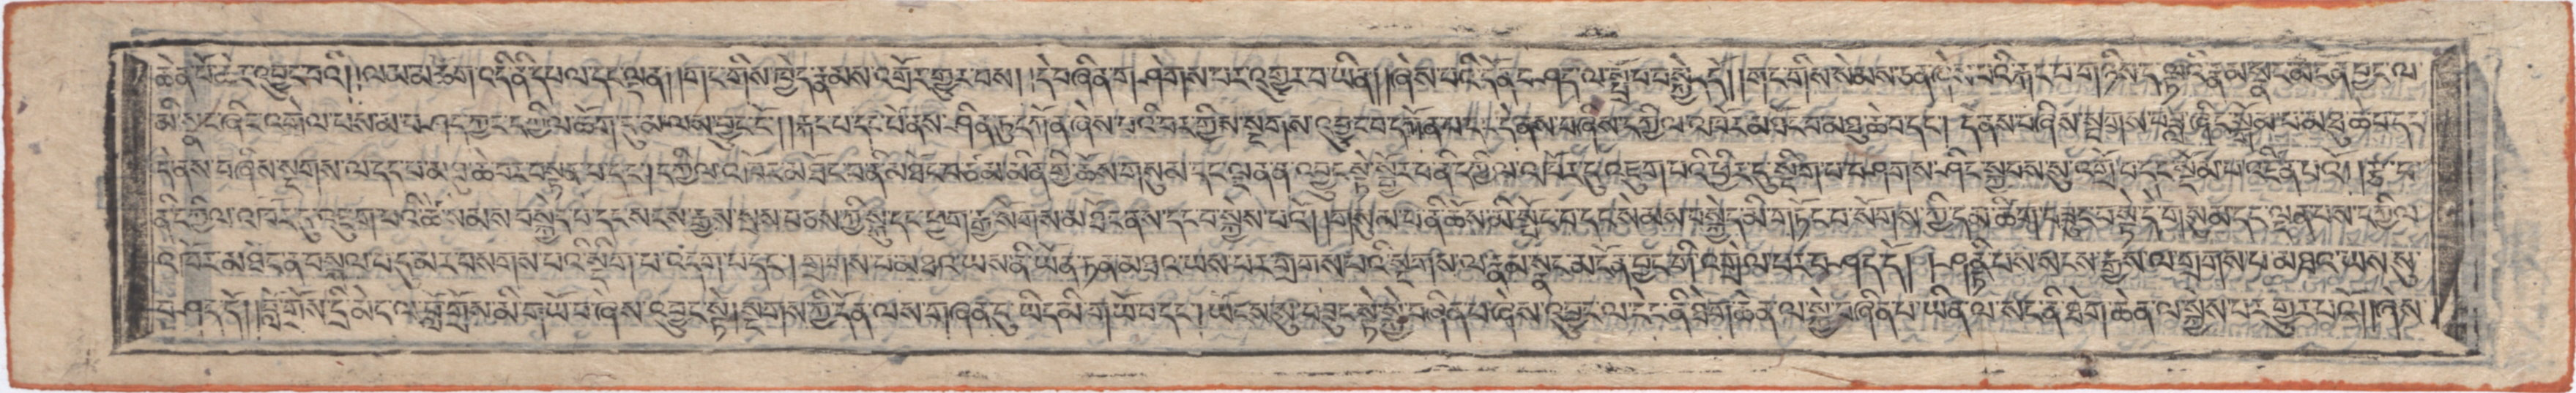ཆེན་པོ་ཆེར་འབྱུང་བའི། །ལམ་མཆོག་འདི་ནི་དཔལ་དང་ལྡན། །གང་གིས་ཁྱེད་རྣམས་འགྲོར་གྱུར་པས། །དེ་བཞིན་གཤེགས་པར་འགྱུར་བ་ཡིན། །ཞེས་པའི་དོན་བཤད་ལ་སྤྲོ་བ་བསྐྱེད་དོ། །གང་གིས་སེམས་ཅན་ཞེས་པའི་རྐང་པ་གཉིས་ད་ལྟའི་རྣམ་སྣང་མངོན་བྱང་ལ་
མི་སྣང་ཞིང་འགྲེལ་པས་མ་བཤད་ཀྱང་དཀྱིལ་ཆོག་དུ་མ་ལས་བྱུང་ངོ། །རྐང་པ་དང་པོ་ནས་ཤིན་ཏུ་དཀོན་ཞེས་པའི་བར་གྱིས་སྔགས་འབྱུང་བ་དཀོན་པ་དང་དེ་ནས་བཞིས་དཀྱིལ་འཁོར་མཐོང་བ་མཐུ་ཆེ་བ་དང་། དེ་ནས་བཞིས་སྔགས་བཟླ་ཞིང་སྒོམ་པ་མཐུ་ཆེ་བ་དང་
དེ་ནས་བཞིས་སྔགས་ལ་དད་པ་མཐུ་ཆེ་བར་བསྟན་པ་དང་། དཀྱིལ་འཁོར་མཐོང་བ་ནི་མཐོང་བ་ཙམ་མིན་གྱི་ཆོས་གསུམ་དང་ལྡན་ན་འབྱུང་སྟེ་སྦྱོར་བ་ནི་དཀྱིལ་འཁོར་དུ་འཇུག་པའི་ཕྱིར་དུ་སྡིག་པ་བཤགས་ཤིང་སྐྱབས་སུ་འགྲོ་བ་དང་སྡོམ་པ་འཛིན་པའོ། །རྩ་བ་
ནི་དཀྱིལ་འཁོར་དུ་འཇུག་པའི་ཚེ་སེམས་བསྐྱེད་པ་དང་སངས་རྒྱས་སྲས་བཅས་ཀྱི་སྐུ་དང་ཕྱག་རྒྱ་སོགས་མཐོང་ནས་དང་བ་སྐྱེས་པའོ། །གསུམ་པ་ནི་ཆོས་མི་སྤོང་བ་དང་སེམས་བསྐྱེད་མི་གཏོང་བ་སོགས་ཀྱི་དམ་ཚིག་བཟུང་བ་སྟེ་དེ་གསུམ་དང་ལྡན་པས་དཀྱིལ་
འཁོར་མཐོང་ན་བསྐལ་པ་དུ་མར་བསགས་པའི་སྡིག་པ་འདག་པ་དང་། གྲགས་པ་མཐའ་ཡས་ནི་ཡོན་ཏན་མཐའ་ཡས་པར་གྲགས་པའི་སྔགས་ལ་རྣམ་སྣང་མངོན་བྱང་གི་འགྲེལ་པར་བཤད་དོ། །ཤནྟི་པས་སངས་རྒྱས་ལ་གྲགས་པ་མཐའ་ཡས་སུ་
བཤད་དོ། །བློ་གྲོས་དྲི་མེད་ལ་བློ་གྲོས་མི་གཡོ་བ་ཞེས་འབྱུང་སྟེ། སྔགས་ཀྱི་དོན་ལས་གཞན་དུ་ཡིད་མི་གཡོ་བ་དང་། ཡོངས་སུ་བཟུང་སྟེ་སྐྱེ་བཞིན་པ་ཞེས་འབྱུང་ལ་དེང་ནི་ཐེག་ཆེན་ལ་སྐྱེ་བཞིན་པ་ཡིན་ལ་སང་ནི་ཐེག་ཆེན་ལ་སྐྱེས་པར་གྱུར་པའོ། །ཞེས་